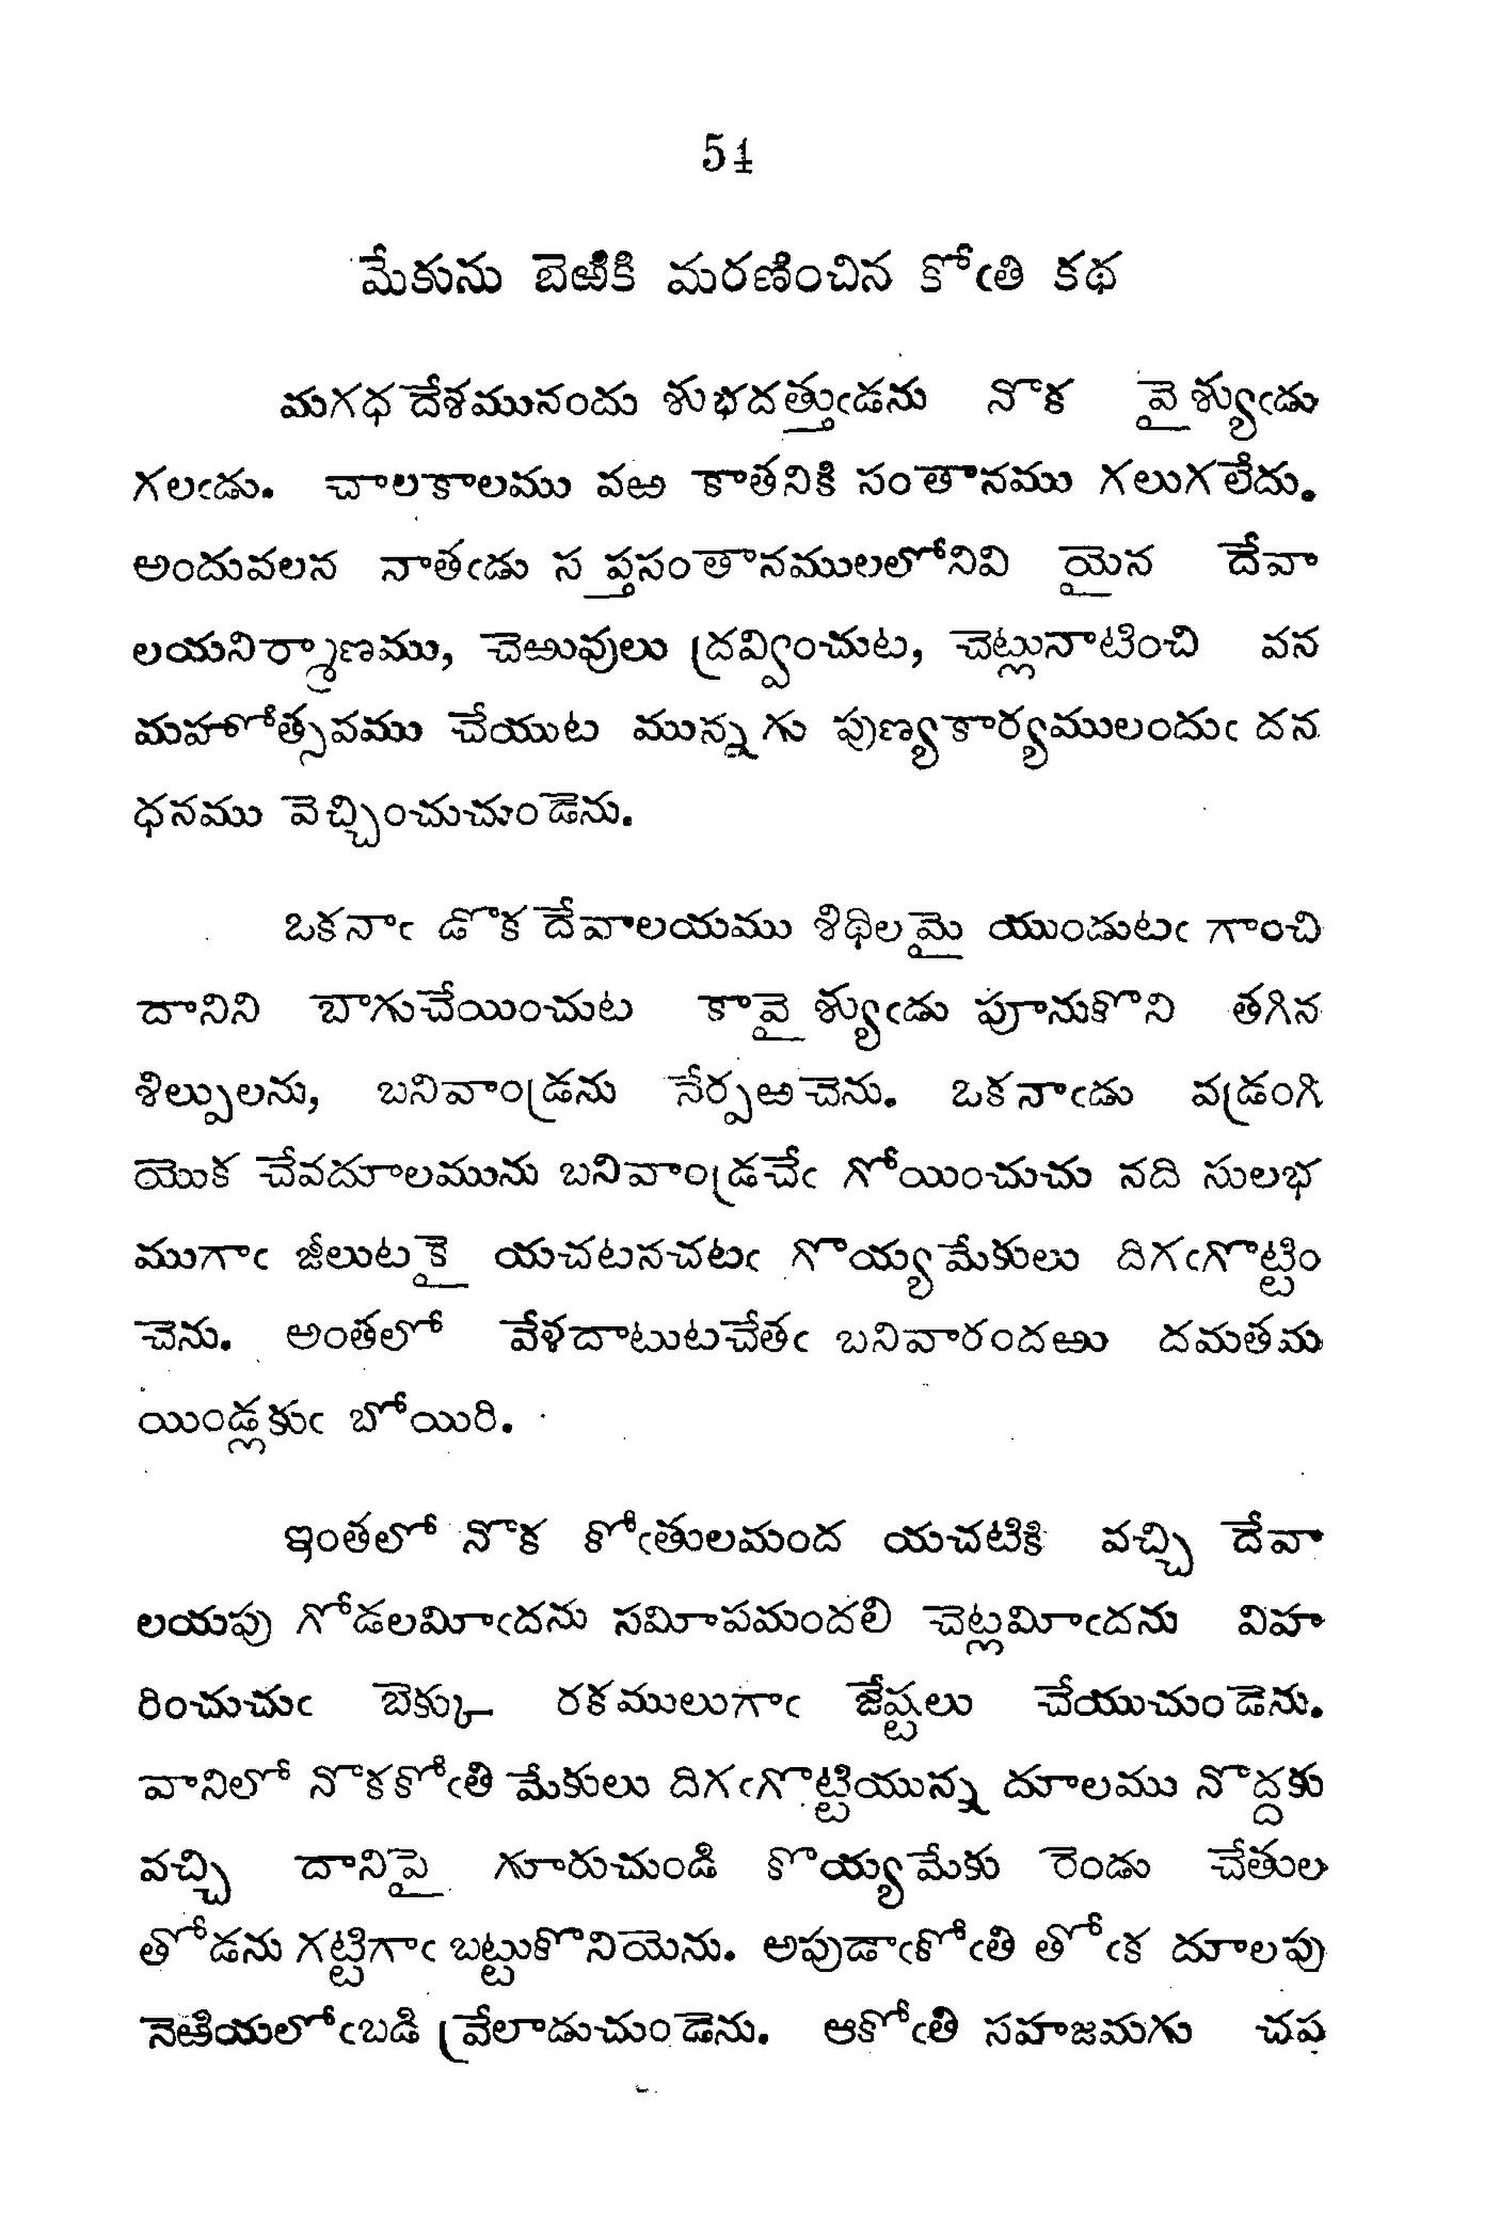మగధదేశమునందు శుభదత్తుడను నొక వైశ్యుడు గలడు. చాలకాలము వఱ కాతనికి సంతానము గలుగలేదు. అందువలన నాతడు సప్తసంతానములలోనివి యైన దేవాలయనిర్మాణము, చెఱువులు ద్రవ్వించుట, చెట్లునాటించి వనమహోత్సవము చేయుట మున్నగు పుణ్యకార్యములందు దన ధనము వెచ్చించుచుండెను.

ఒకనా డొకదేవాలయము శిథిలమై యుండుట గాంచి దానిని బాగుచేయించుట కావైశ్యుడు పూనుకొని తగిన శిల్పులను, బనివాండ్రను నేర్పఱచెను. ఒకనాడు వడ్రంగి యొక చేవదూలమును బనివాండ్రచే గోయించుచు నది సులభముగా జీలుటకై యచటనచట గొయ్యమేకులు దిగ గొట్టించెను. అంతలో వేళదాటుటచేత బనివారందఱు దమతమ యిండ్లకు బోయిరి.

ఇంతలో నొక కోతులమంద యచటికి వచ్చి దేవాలయపు గోడలమీదను సమీపమందలి చెట్లమీదను విహరించుచు బెక్కు రకములుగా జేష్టలు చేయుచుండెను. వానిలో నొకకోతి మేకులు దిగ గొట్టియున్న దూలము నొద్దకు వచ్చి దానిపై గూరుచుండి కొయ్యమేకు రెండు చేతుల తోడను గట్టిగా బట్టుకొనియెను. అపుడా కోతి తోక దూలపు నెఱియలో బడి వ్రేలాడుచుండెను. ఆకోతి సహజమగు చప